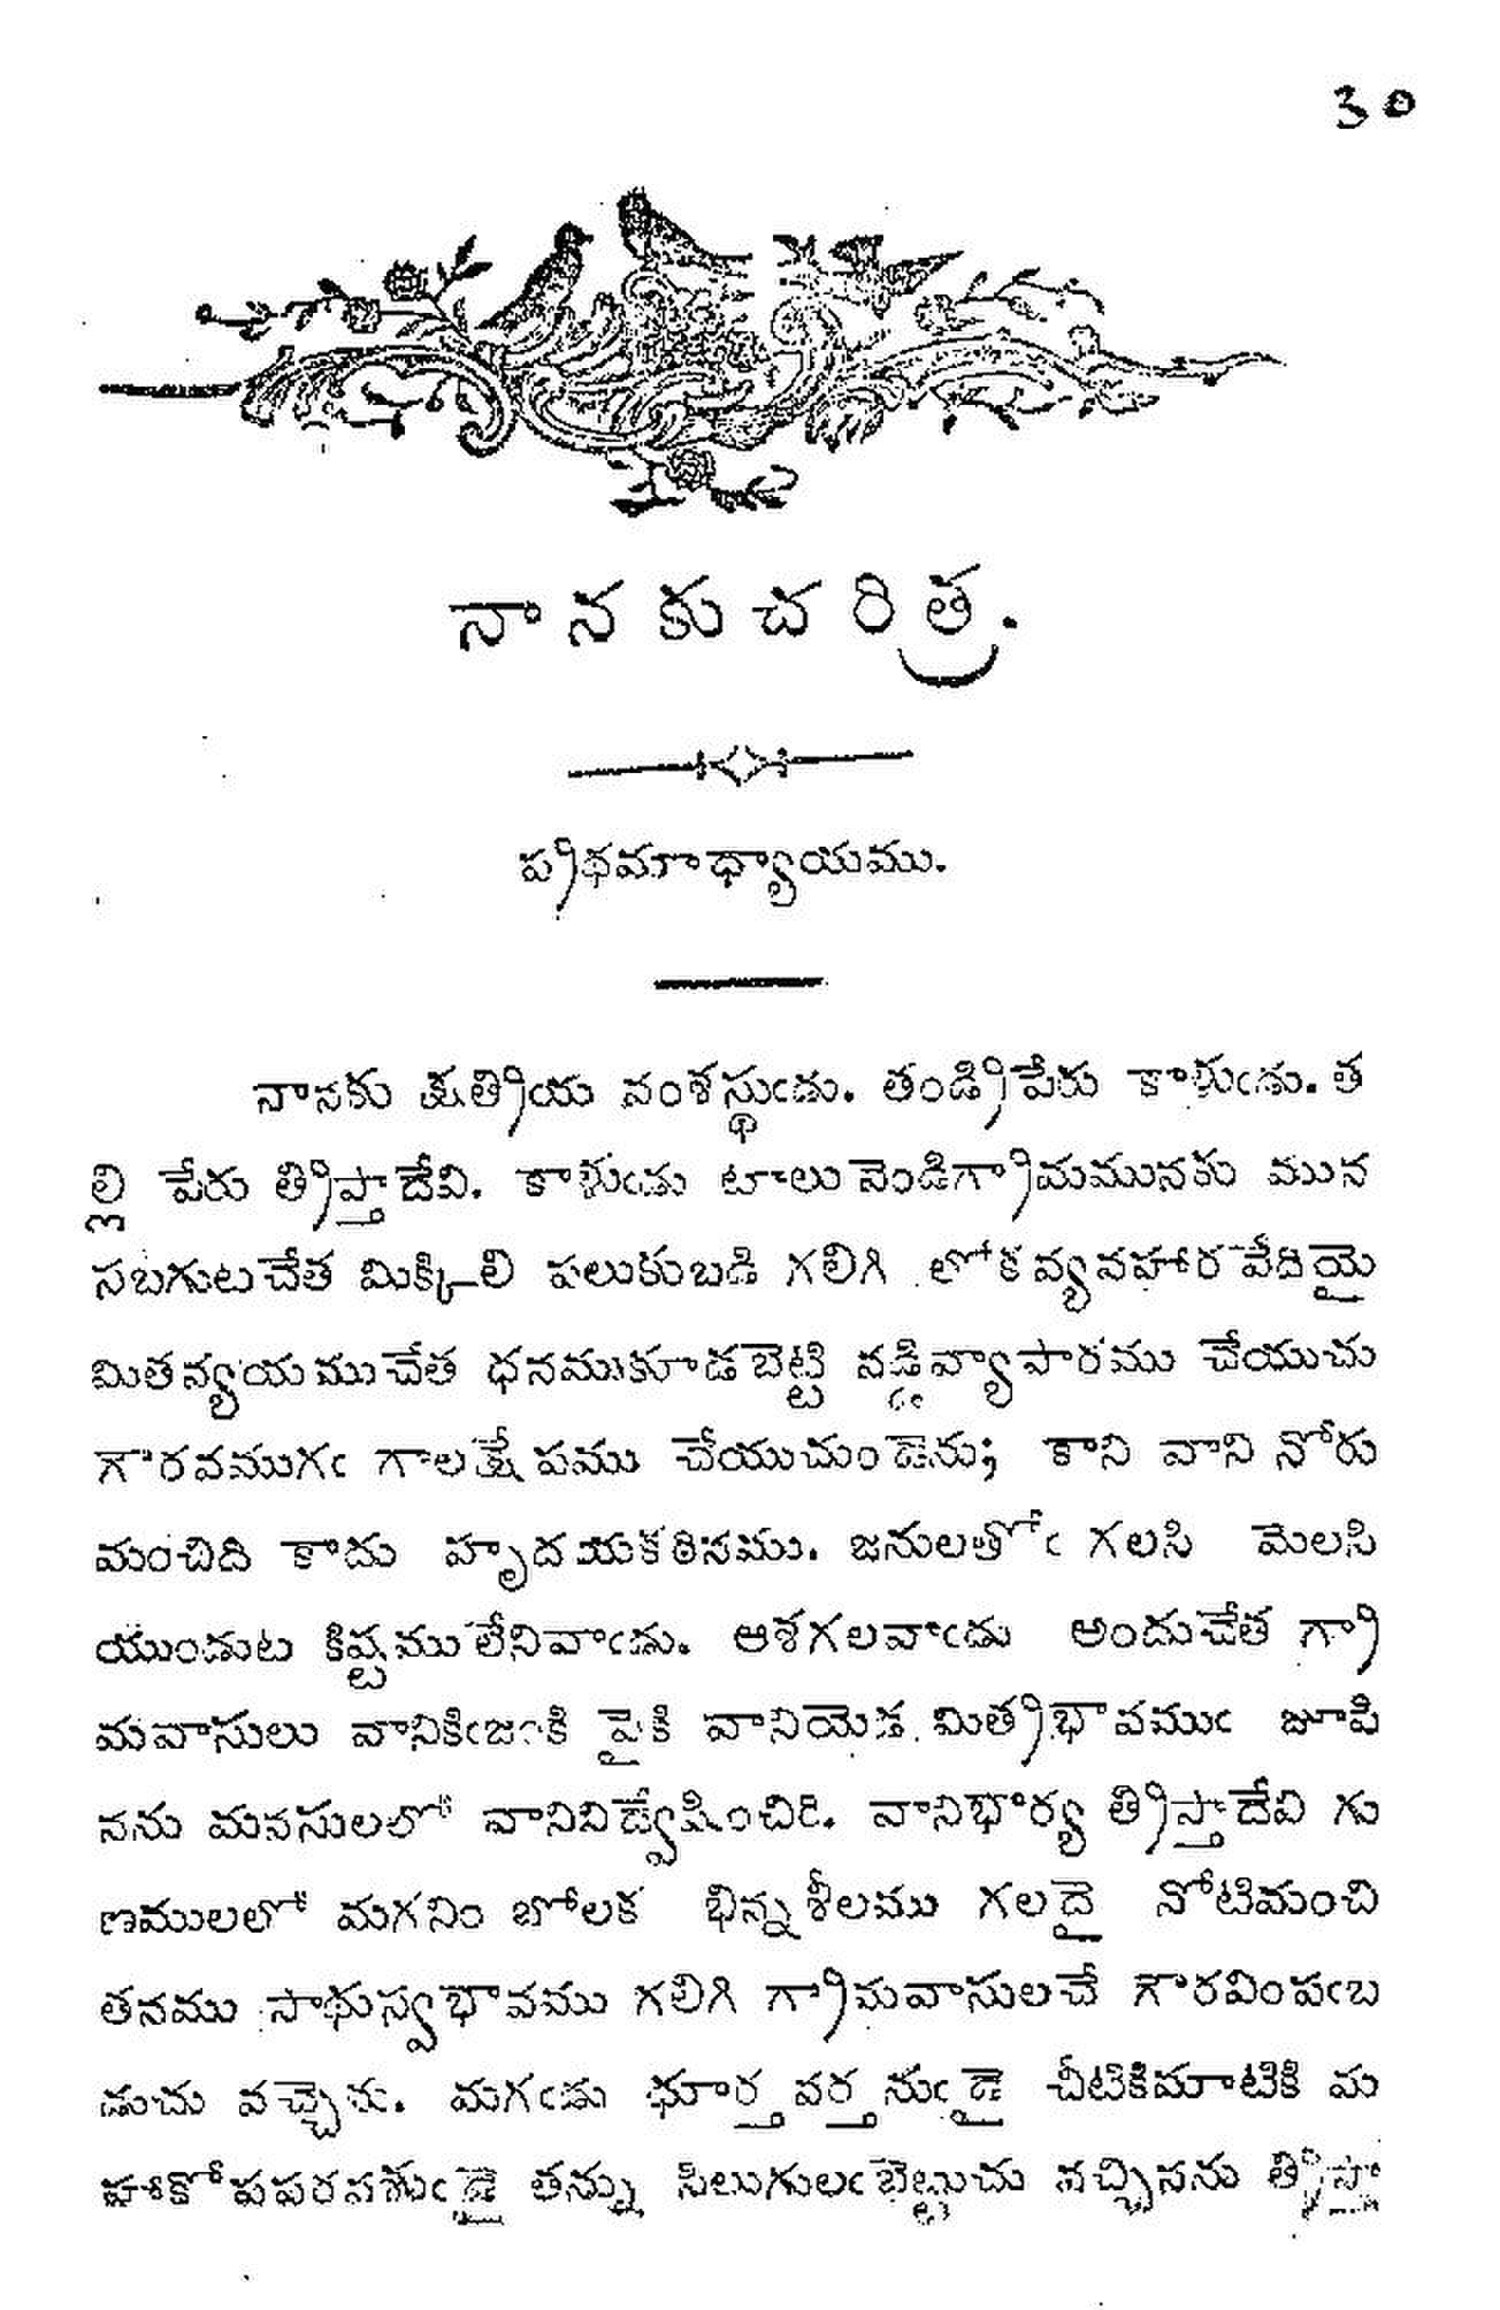నానకు క్షత్రియ వంశస్థుఁడు. తండ్రిపేరు కాళుఁడు. తల్లి పేరు త్రిప్తాదేవి. కాళుఁడు టాలువెండి గ్రామమునకు మునసబగుటచేత మిక్కిలి పలుకుబడి గలిగి లోకవ్యవహార వేదికయై మితవ్యయముచేత ధనముకూడబెట్టి వడ్డివ్యాపారము చేయుచు గౌరవముగ గాలక్షేపము చేయుచుండెను; కాని వాని నోరు మంచిదికాదు హృదయకఠినము. జనులతోఁ గలసి మెలసి యుండుట కిష్టములేనివాఁడు. ఆశగలవాఁడు అందుచేత గ్రామవాసులు వానికిఁజంకి పైకి వానియెడ మిత్రభావముఁ జూపినను మనసులలో వానిని ద్వేషించిరి. వానిభార్య త్రిప్తాదేవి గుణములలో మగనిం బోలక భిన్నశీలము గలదై నోటిమంచితనము సాథుస్వభావము గలిగి గ్రామవాసులచే గౌరవింపబడుచు వచ్చెను. మగఁడు ధూర్తవర్తనుఁడై చీటికిమాటికి మహాకోపపరవశుఁడై తన్ను సిలుగులఁబెట్టుచు వచ్చినను త్రిప్తా